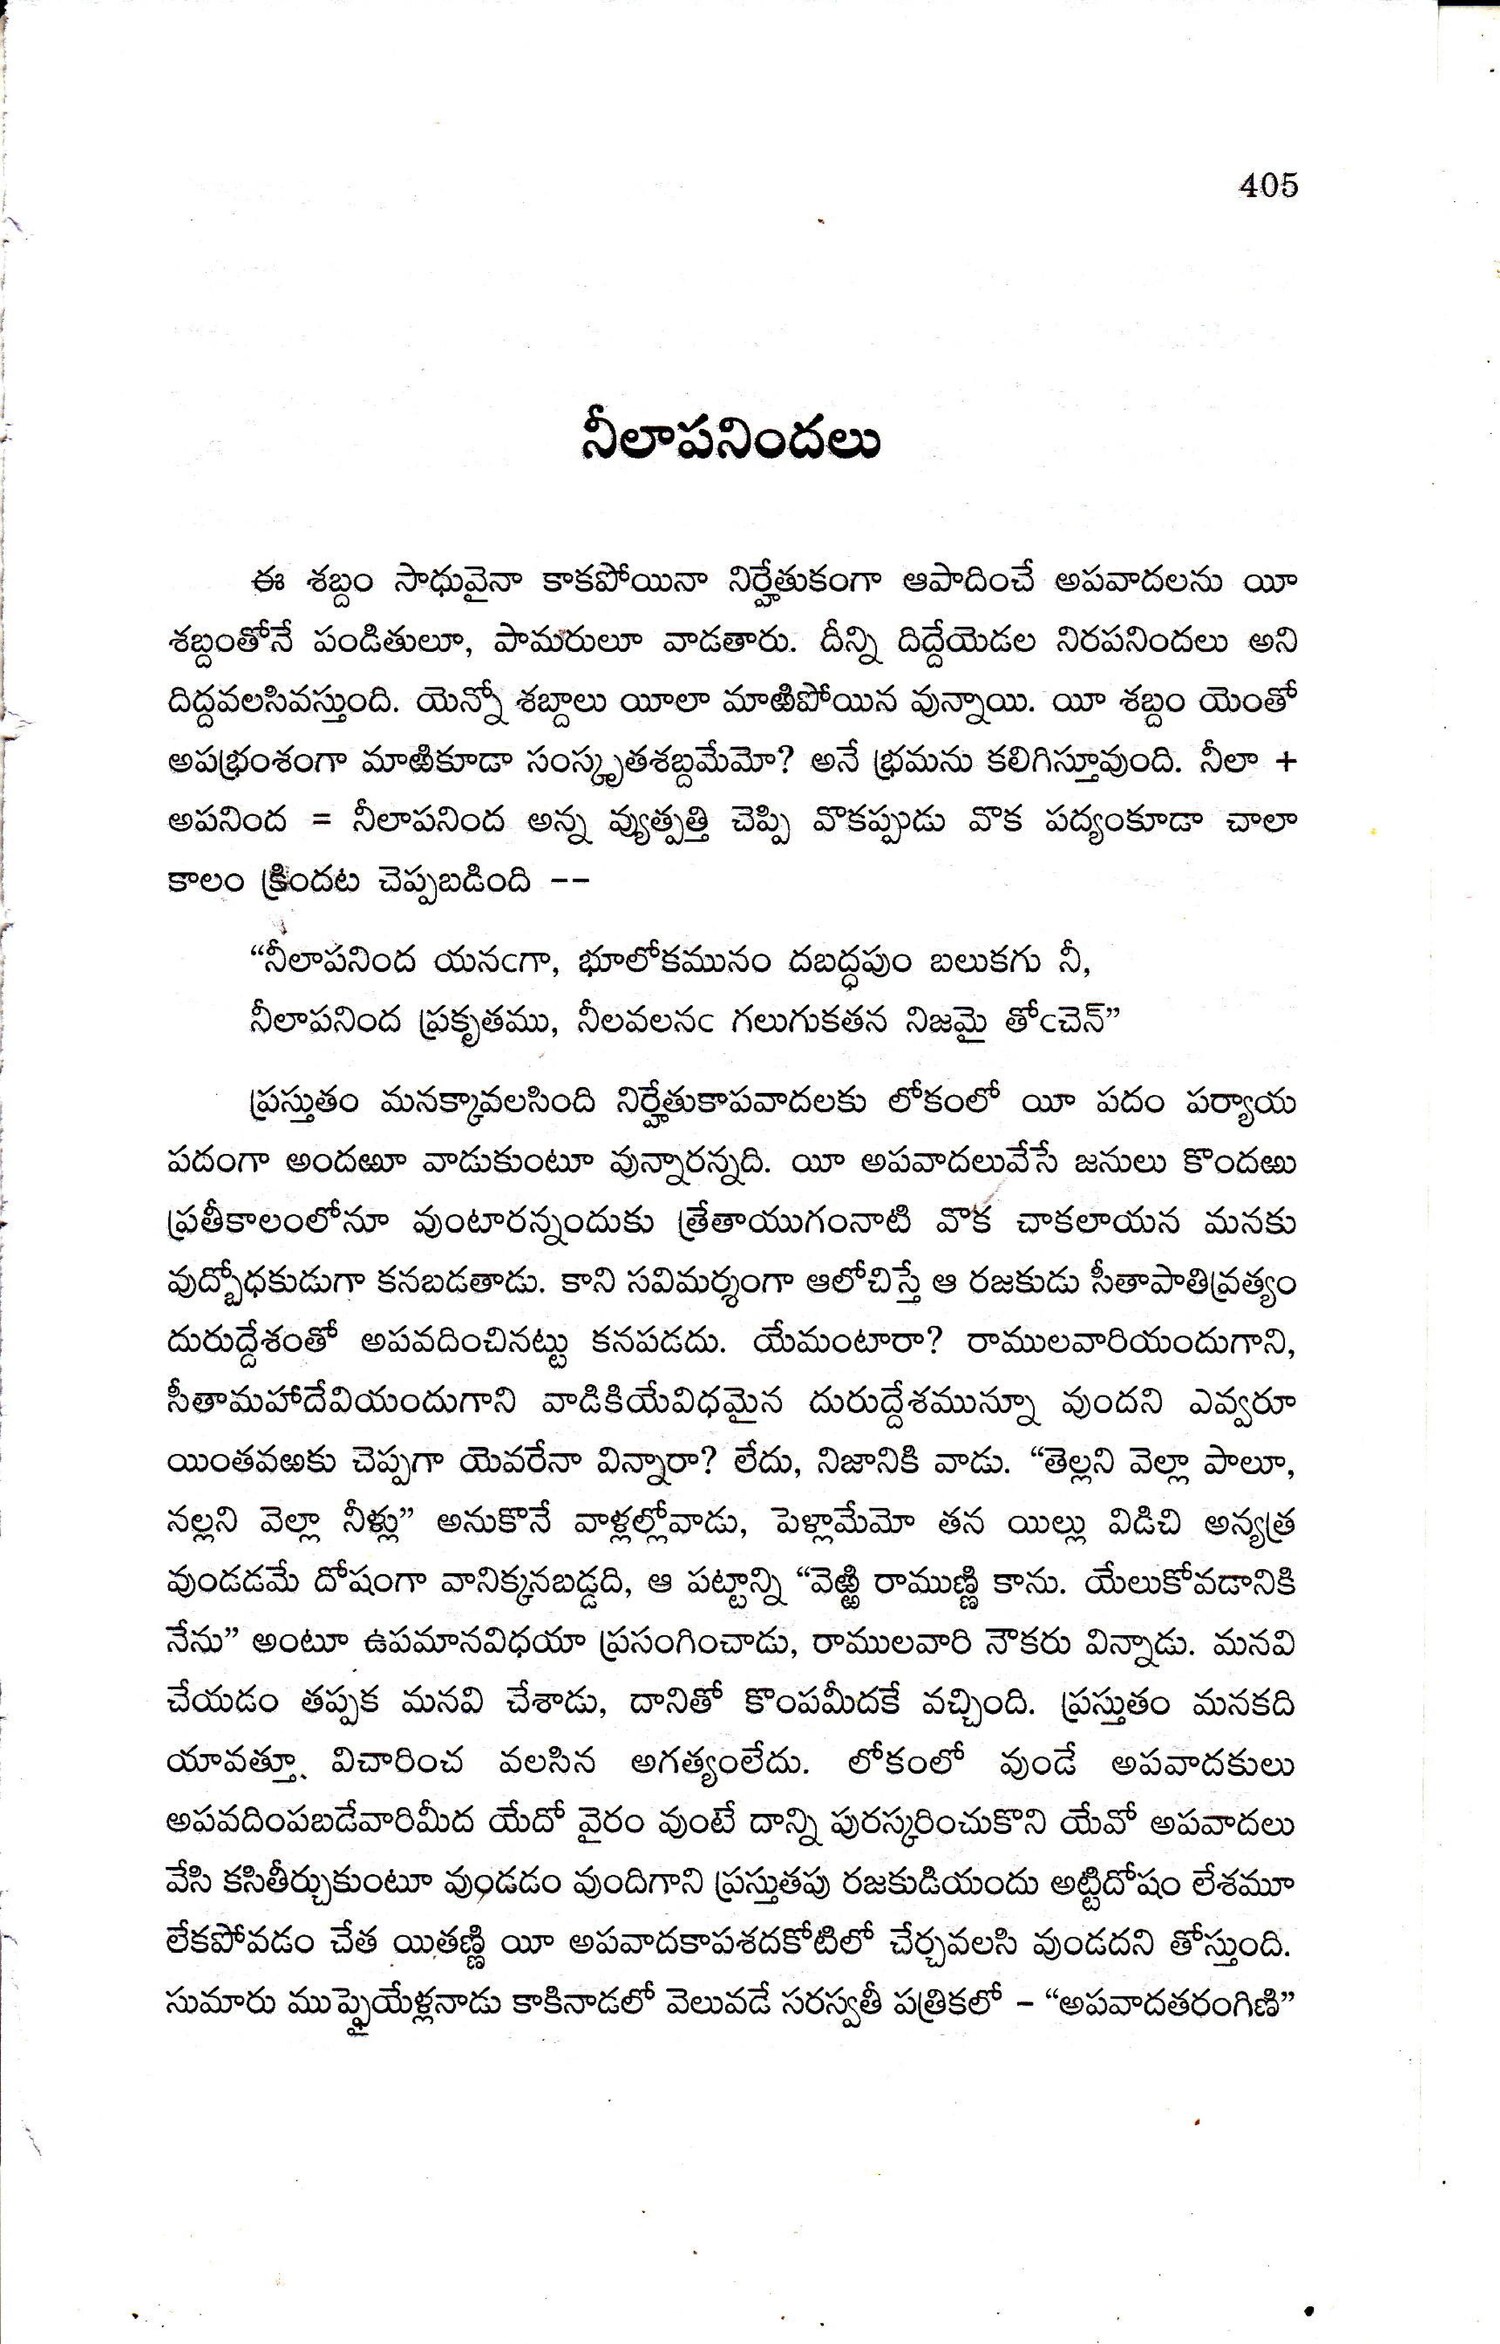నీలాపనిందలు

ఈ శబ్దం సాధువైనా కాకపోయినా నిర్హేతుకంగా ఆపాదించే అపవాదలను యీ శబ్దంతోనే పండితులూ, పామరులూ వాడతారు. దీన్ని దిద్దేయెడల నిరపనిందలు అని దిద్దవలసివస్తుంది. యెన్నో శబ్దాలు యీలా మాఱిపోయిన వున్నాయి. యీ శబ్దం యెంతో అపభ్రంశంగా మాఱికూడా సంస్కృతశబ్దమేమో? అనే భ్రమను కలిగిస్తూవుంది. నీలా + అపనింద = నీలాపనింద అన్న వ్యుత్పత్తి చెప్పి వొకప్పుడు వొక పద్యంకూడా చాలా కాలం క్రిందట చెప్పబడింది --

"నీలాపనింద యనఁగా, భూలోకమునం దబద్ధపుం బలుకగు నీ, 
 నీలాపనింద ప్రకృతము, నీలవలనఁ గలుగుకతన నిజమై తోcచెన్"
ప్రస్తుతం మనక్కావలసింది నిర్హేతుకాపవాదలకు లోకంలో యీ పదం పర్యాయ పదంగా అందఱూ వాడుకుంటూ వున్నారన్నది. యీ అపవాదలువేసే జనులు కొందఱు ప్రతీకాలంలోనూ వుంటారన్నందుకు త్రేతాయుగంనాటి వొక చాకలాయన మనకు వుద్బోధకుడుగా కనబడతాడు. కాని సవిమర్శంగా ఆలోచిస్తే ఆ రజకుడు సీతాపాతివ్రత్యం దురుద్దేశంతో అపవదించినట్టు కనపడదు. యేమంటారా? రాములవారియందుగాని, సీతామహాదేవియందుగాని వాడికియేవిధమైన దురుద్దేశమున్నూ వుందని ఎవ్వరూ యింతవఱకు చెప్పగా యెవరేనా విన్నారా? లేదు, నిజానికి వాడు. "తెల్లని వెల్లా పాలూ, నల్లని వెల్లా నీళ్లు" అనుకొనే వాళ్లల్లోవాడు, పెళ్లామేమో తన యిల్లు విడిచి అన్యత్ర వుండడమే దోషంగా వానిక్కనబడ్డది, ఆ పట్టాన్ని "వెఱ్ఱి రాముణ్ణి కాను. యేలుకోవడానికి నేను” అంటూ ఉపమానవిధయా ప్రసంగించాడు, రాములవారి నౌకరు విన్నాడు. మనవి చేయడం తప్పక మనవి చేశాడు, దానితో కొంపమీదకే వచ్చింది. ప్రస్తుతం మనకది యావతూ విచారించ వలసిన అగత్యంలేదు. లోకంలో వుండే అపవాదకులు అపవదింపబడేవారిమీద యేదో వైరం వుంటే దాన్ని పురస్కరించుకొని యేవో అపవాదలు వేసి కసితీర్చుకుంటూ వుండడం వుందిగాని ప్రస్తుతపు రజకుడియందు అట్టిదోషం లేశమూ లేకపోవడం చేత యితణ్ణి యీ అపవాదకాపశదకోటిలో చేర్చవలసి వుండదని తోస్తుంది. సుమారు ముప్ఫైయేళ్లనాడు కాకినాడలో వెలువడే సరస్వతీ పత్రికలో - "అపవాదతరంగిణి"